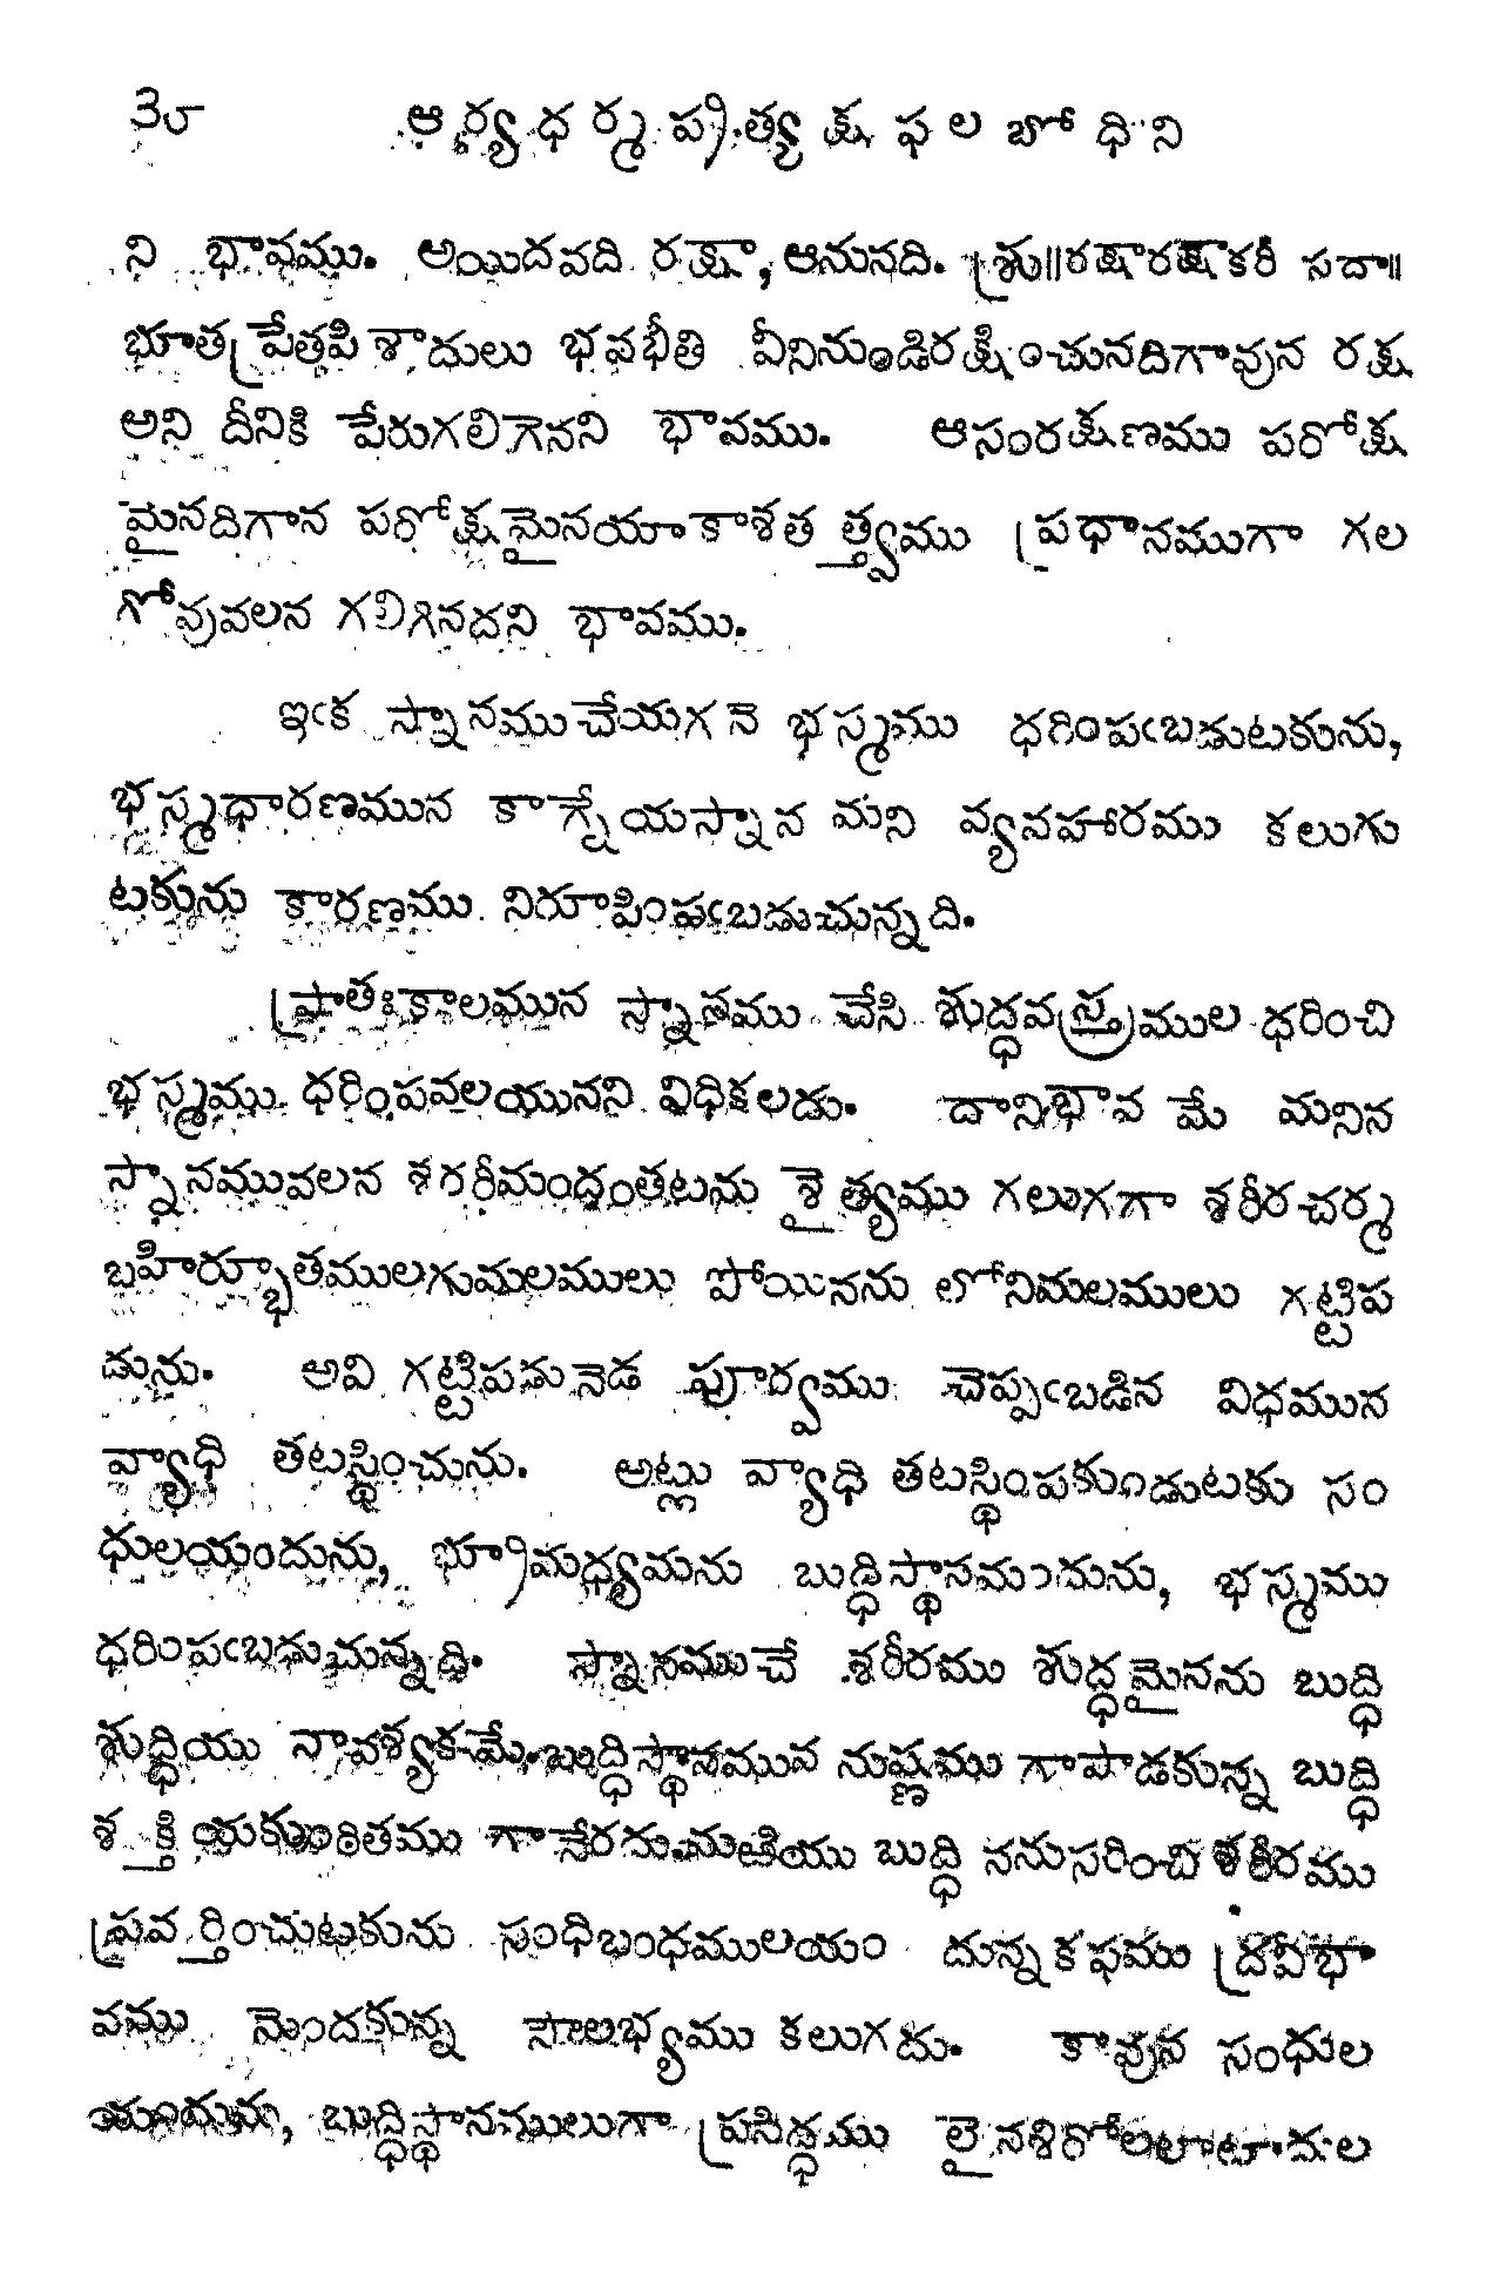ని భావము. అయిదవది రక్షా, అనునది. శ్రు॥రక్షారక్షాకరీ సదా॥ భూతప్రేతపిశాదులు భవభీతి వీనినుండిరక్షించునదిగావున రక్ష అని దీనికి పేరుగలిగెనని భావము. ఆసంరక్షణము పరోక్షమైనదిగాన పరోక్షమైనయాకాశతత్త్వము ప్రధానముగా గల గోవువలన గలిగినదని భావము.

ఇఁక స్నానముచేయగనె భస్మము ధరింపఁబడుటకును, భస్మధారణమున కాగ్నేయస్నాన మని వ్యవహారము కలుగుటకును కారణము నిరూపింపబడుచున్నది.

ప్రాతఃకాలమున స్నానము చేసి శుద్ధవస్త్రములు ధరించి భస్మము ధరింపవలయునని విధికలదు. దానిభావ మే మనిన స్నానమువలన శరరీమందంతటను శైత్యము గలుగగా శరీరచర్మ బహిర్భూతములగుమలములు పోయినను లోనిమలములు గట్టిపడును. అవి గట్టిపడునెడ పూర్వము చెప్పఁబడిన విధమున వ్యాధి తటస్థించును. అట్లు వ్యాధి తటస్థింపకుండుటకు సంధులయందును భ్రూమధ్యమను బుద్ధిస్థానమందును, భస్మము ధరింపఁబడుచున్నది. స్నానముచే శరీరము శుద్ధమైనను బుద్ధి శుద్ధియు నావశ్యకమే. బుద్ధిస్థానమున నుష్ణము గాపాడకున్న బుద్ధి శక్తి యకుంఠితము గానేరదు. మఱియు బుద్ధి ననుసరించి శరీరము ప్రవర్తించుటకును సంధిబంధములయం దున్న కఫము ద్రవిభావము నొందకున్న సౌలభ్యము కలుగదు. కావున సంధుల యందును, బుద్ధిస్థానములుగా ప్రసిద్ధము లైనశిరోలలాటాదుల